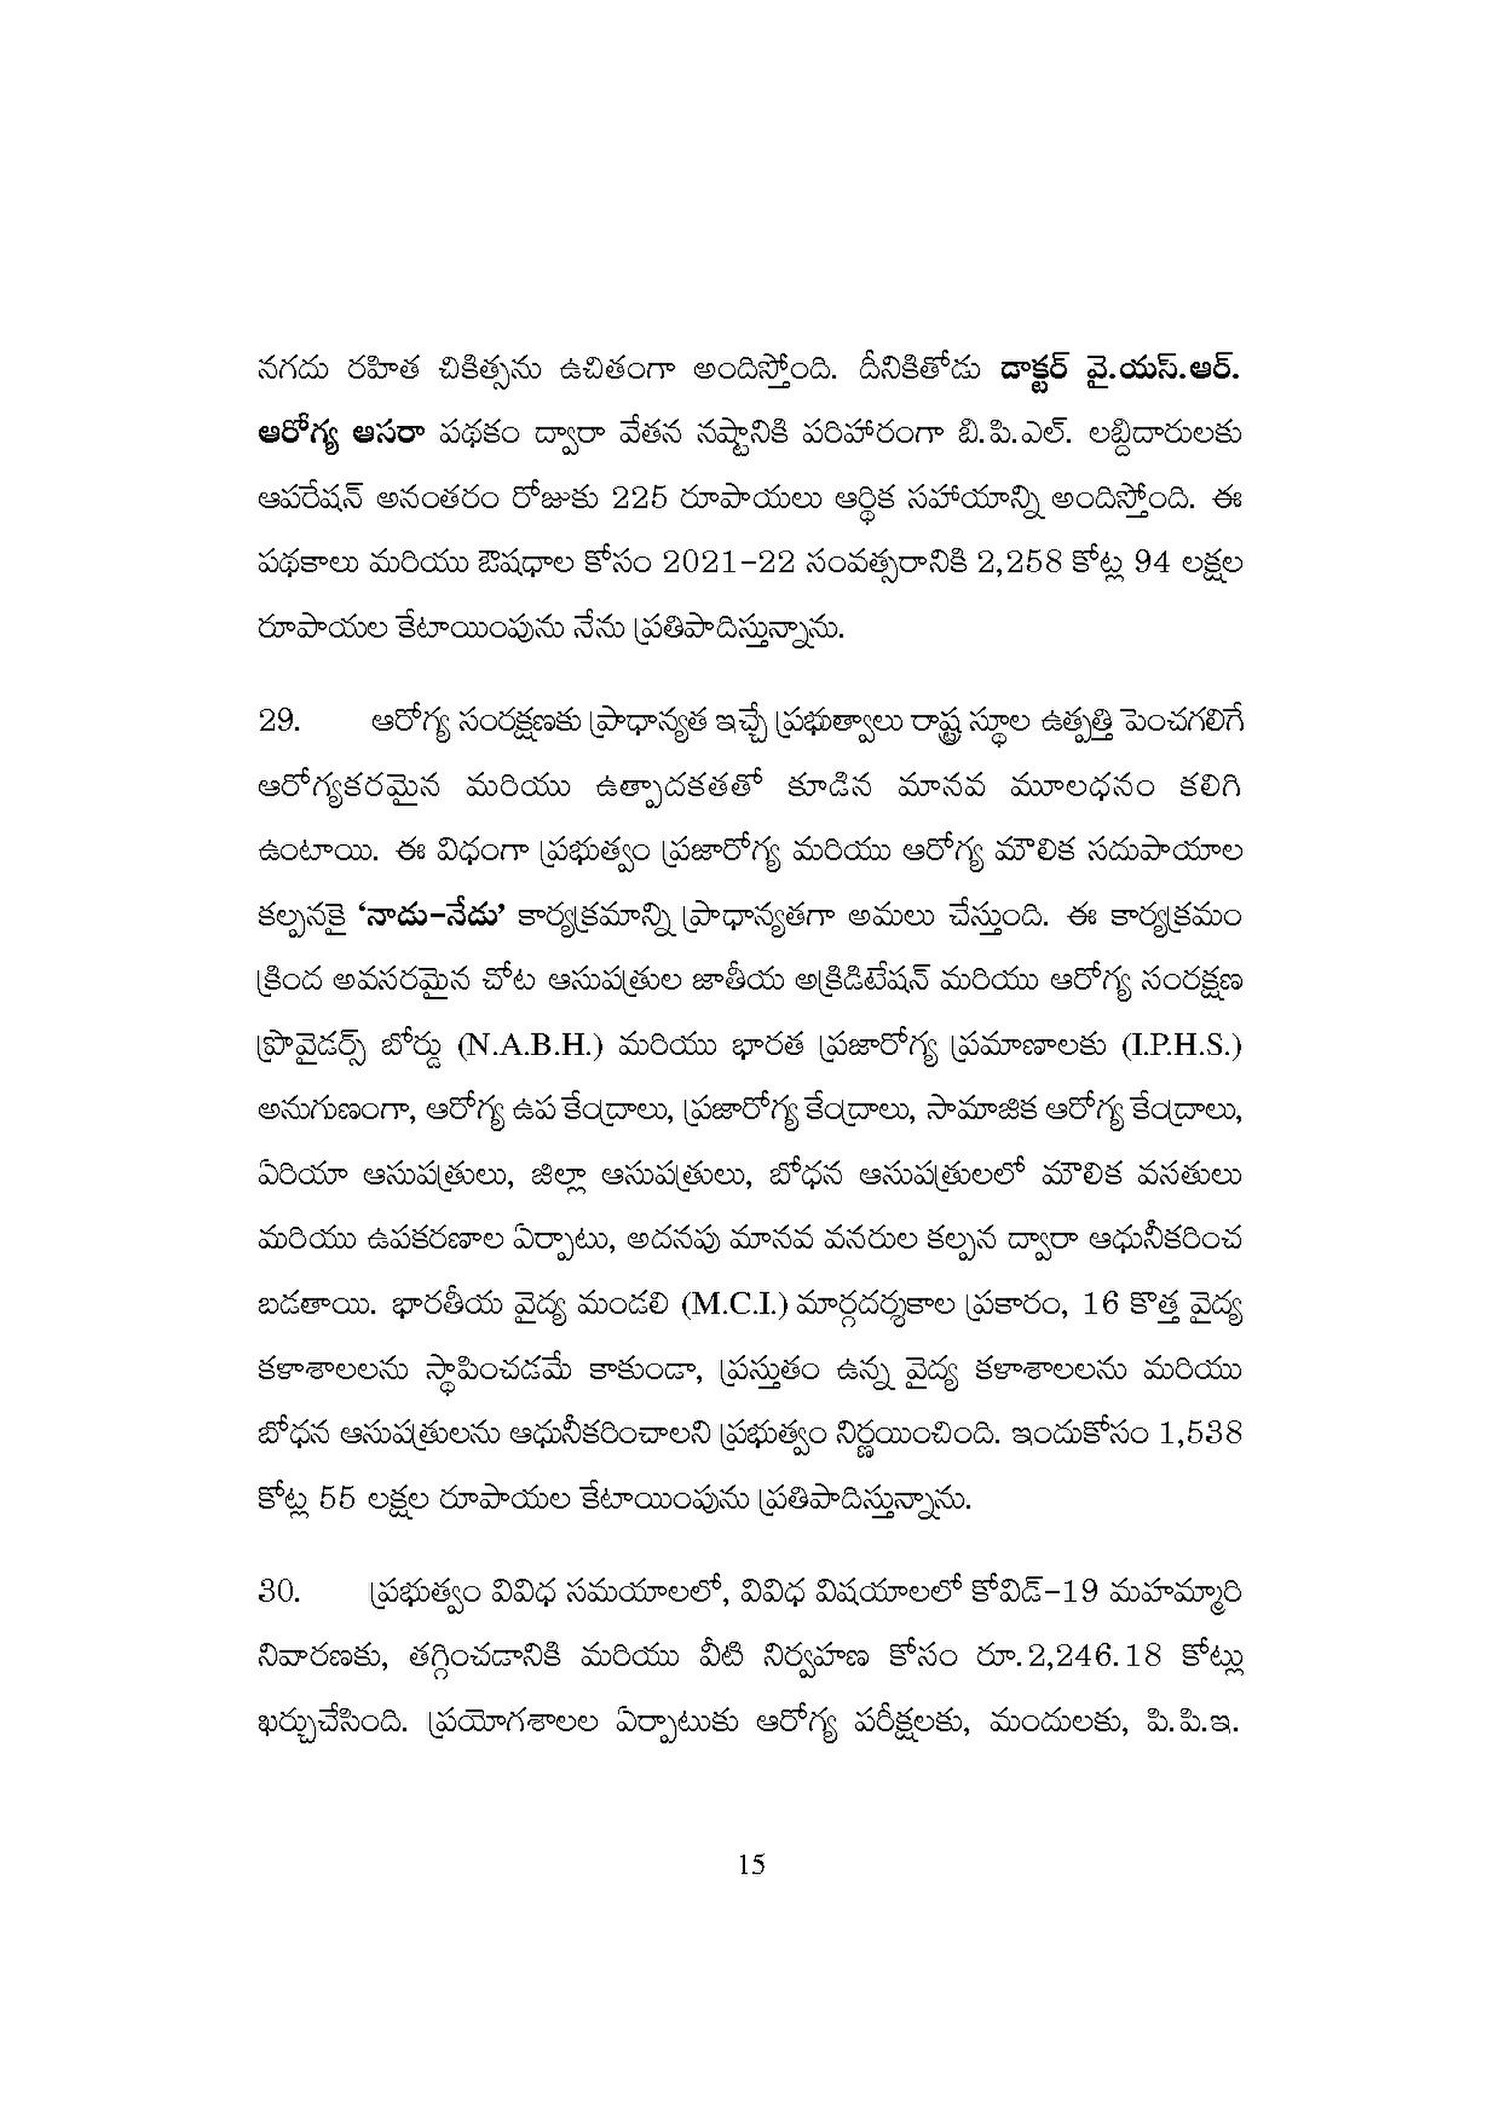నగదు రహిత చికిత్సను ఉచితంగా అందిస్తోంది. దీనికితోడు డాక్టర్ వై.యస్.ఆర్. ఆరోగ్య ఆసరా పథకం ద్వారా వేతన నష్టానికి పరిహారంగా బి.పి.ఎల్. లబ్దిదారులకు
ఆపరేషన్ అనంతరం రోజుకు 225 రూపాయలు ఆర్థిక సహాయాన్ని అందిస్తోంది. ఈ
పథకాలు మరియు ఔషధాల
కోసం 2021-22 సంవత్సరానికి 2,258 కోట్ల 94 లక్షల
రూపాయల కేటాయింపును నేను ప్రతిపాదిస్తున్నాను.

29. ఆరోగ్య సంరక్షణకు ప్రాధాన్యత ఇచ్చే ప్రభుత్వాలు రాష్ట్ర స్థూల ఉత్పత్తి పెంచగలిగే
ఆరోగ్యకరమైన మరియు ఉత్పాదకతతో కూడిన మానవ మూలధనం కలిగి
ఉంటాయి. ఈ విధంగా ప్రభుత్వం ప్రజారోగ్య మరియు ఆరోగ్య మౌలిక సదుపాయాల
కల్పనకై 'నాడు-నేడు' కార్యక్రమాన్ని ప్రాధాన్యతగా అమలు చేస్తుంది. ఈ కార్యక్రమం
క్రింద అవసరమైన చోట ఆసుపత్రుల జాతీయ అక్రిడిటేషన్ మరియు ఆరోగ్య సంరక్షణ
ప్రొవైడర్స్ బోర్డు (N. A.B.H.) మరియు భారత ప్రజారోగ్య ప్రమాణాలకు (I.P.H.S.)
అనుగుణంగా, ఆరోగ్య ఉప కేంద్రాలు, ప్రజారోగ్య కేంద్రాలు, సామాజిక ఆరోగ్య కేంద్రాలు,
ఏరియా ఆసుపత్రులు, జిల్లా ఆసుపత్రులు, బోధన ఆసుపత్రులలో మౌలిక వసతులు
మరియు ఉపకరణాల ఏర్పాటు, అదనపు మానవ వనరుల కల్పన ద్వారా ఆధునీకరించ
బడతాయి. భారతీయ వైద్య మండలి (M.C.I.) మార్గదర్శకాల ప్రకారం, 16 కొత్త వైద్య
కళాశాలలను స్థాపించడమే కాకుండా, ప్రస్తుతం ఉన్న వైద్య కళాశాలలను మరియు
బోధన ఆసుపత్రులను ఆధునీకరించాలని ప్రభుత్వం నిర్ణయించింది. ఇందుకోసం 1,538
కోట్ల 55 లక్షల రూపాయల కేటాయింపును ప్రతిపాదిస్తున్నాను.

30. ప్రభుత్వం వివిధ సమయాలలో, వివిధ విషయాలలో కోవిడ్-19 మహమ్మారి
నివారణకు, తగ్గించడానికి మరియు వీటి నిర్వహణ కోసం రూ. 2,246.18 కోట్లు
ఖర్చుచేసింది. ప్రయోగశాలల ఏర్పాటుకు ఆరోగ్య పరీక్షలకు, మందులకు, పి.పి.ఇ.